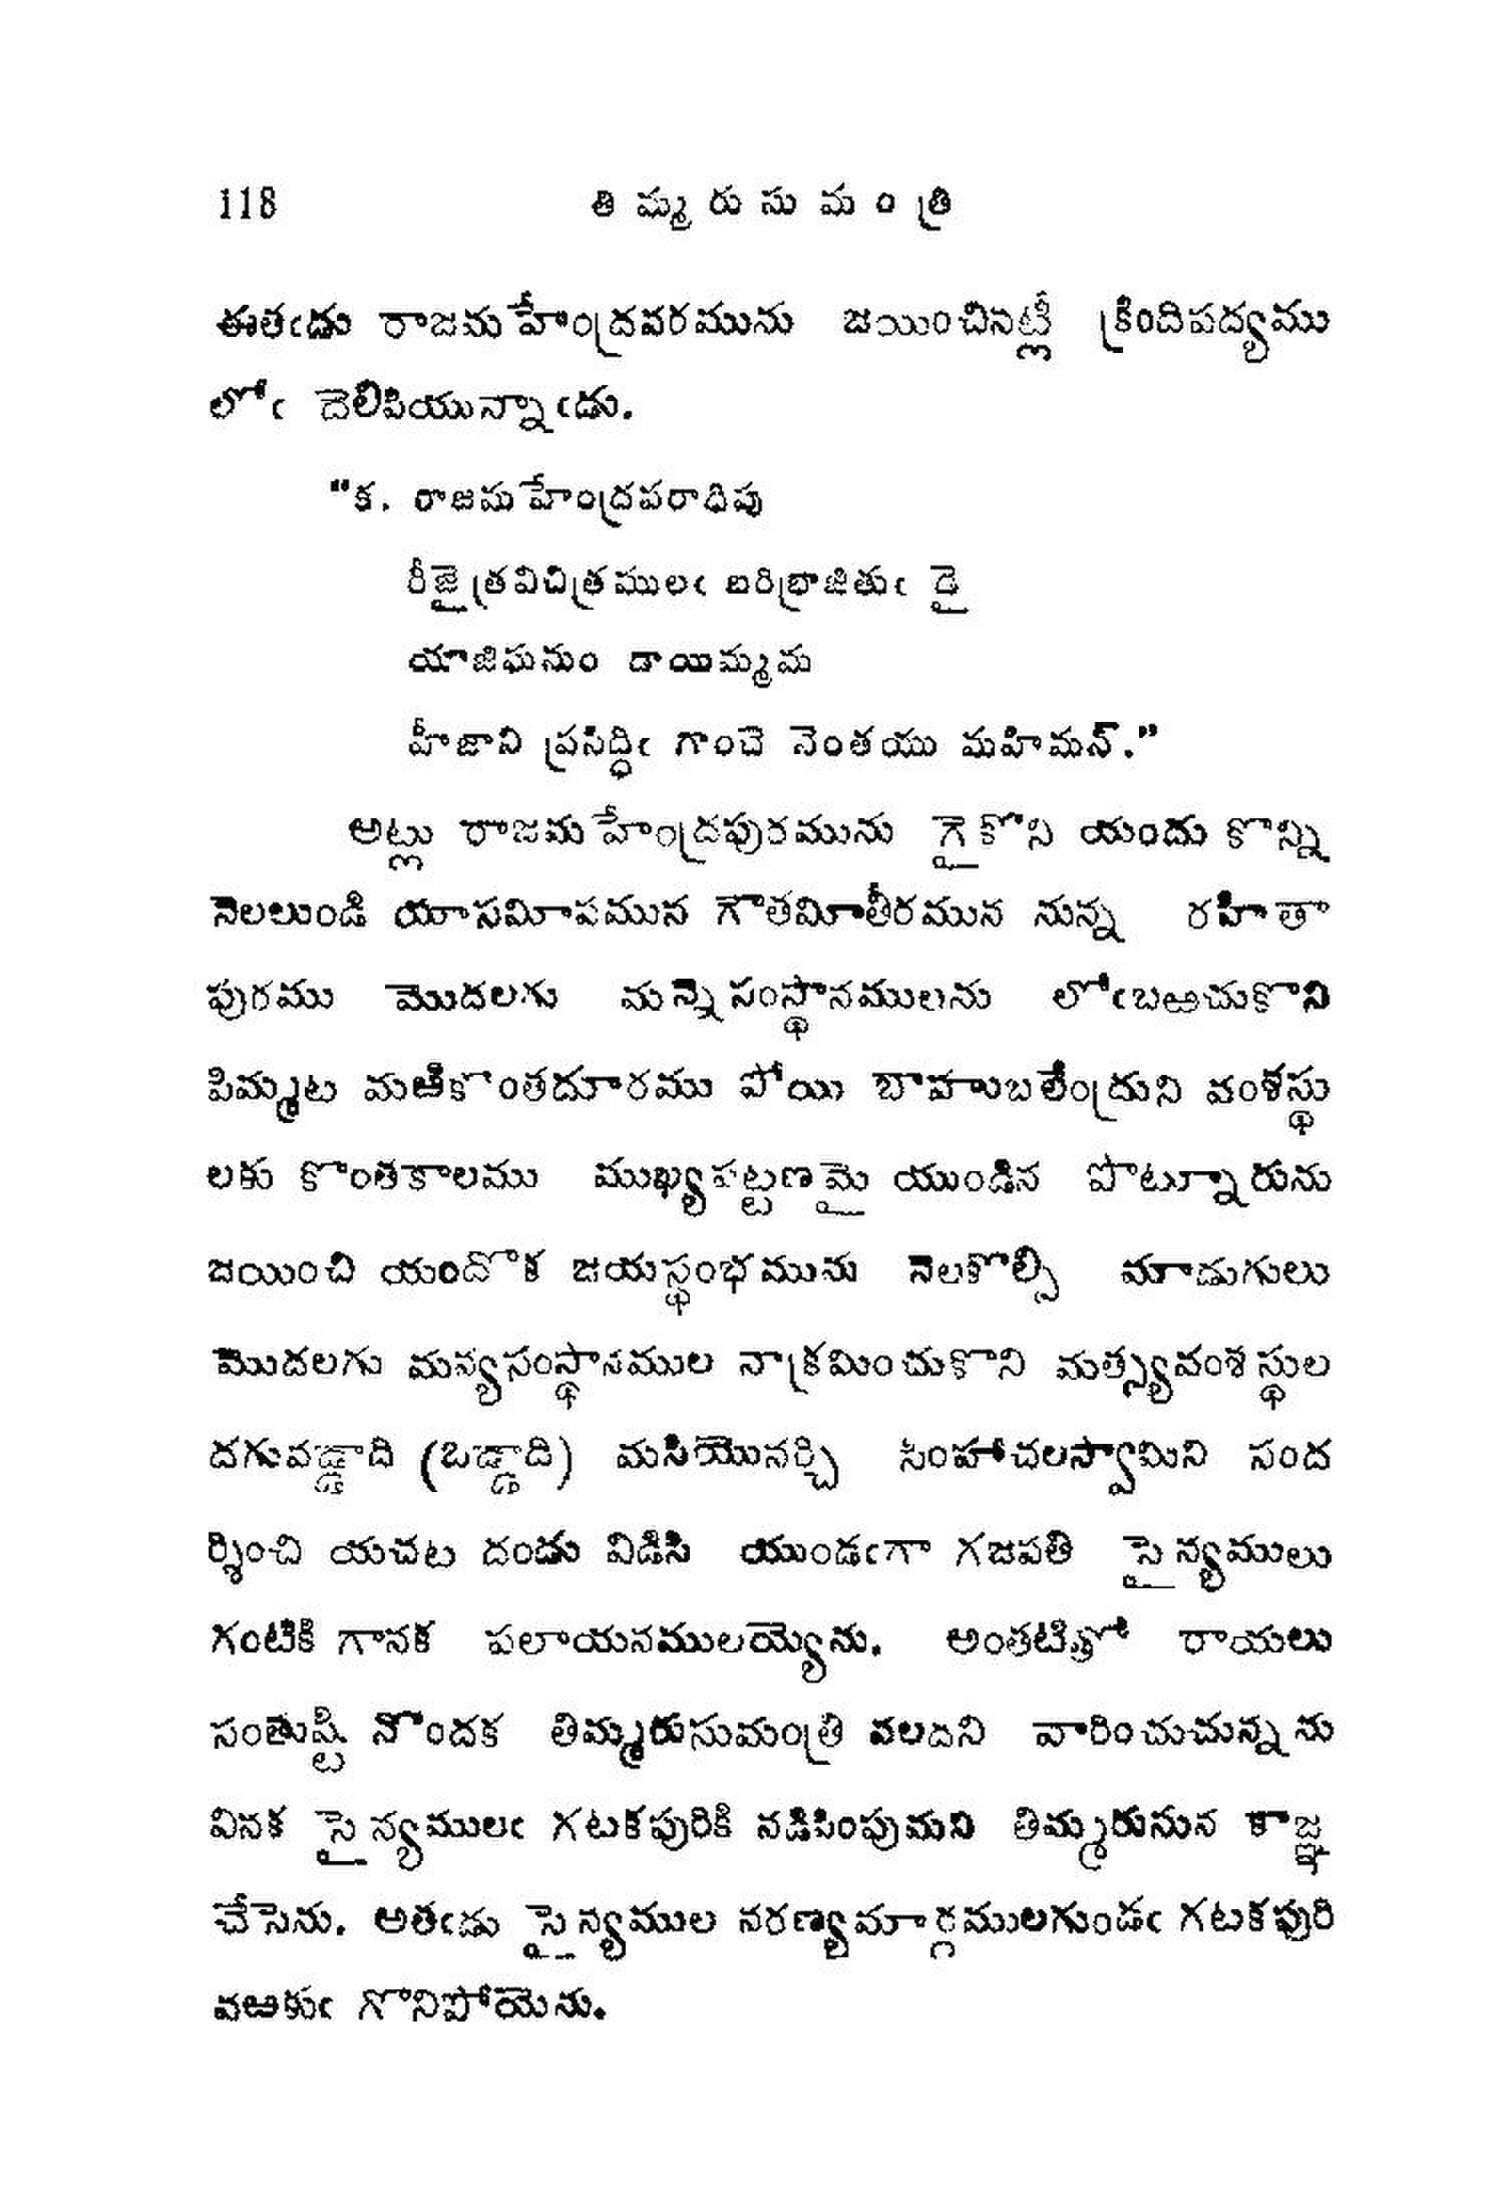ఈతఁడు రాజమహేంద్రవరమును జయించినట్లీ క్రిందిపద్యములోఁ దెలిపియున్నాఁడు. 

“క. రాజమహేంద్రవరాధిపు 
 రీజైత్రవిచిత్రములఁ బరిభ్రాజితుఁ డై 
 యాజిఘనుం డాయిమ్మమ 
 హీజాని ప్రసిద్ధిఁ గాంచె నెంతయు మహిమన్." 
అట్లు రాజమహేంద్రపురమును గైకొని యందు కొన్ని నెలలుండి యాసమీపమున గౌతమీతీరమున నున్న రహితాపురము మొదలగు మన్నెసంస్థానములను లోఁబఱచుకొని పిమ్మట మఱికొంతదూరము పోయి బాహుబలేంద్రుని వంశస్టులకు కొంతకాలము ముఖ్యపట్టణమై యుండిన పొట్నూరును జయించి యందొక జయస్థంభమును నెలకొల్సి మాడుగులు
మొదలగు మన్యసంస్థానముల నాక్రమించుకొని మత్స్యవంశస్థుల దగువడ్డాది (ఒడ్డాది) మసియొనర్చి సింహాచలస్వామిని సందర్శించి యచట దండు విడిసి యుండఁగా గజపతి సైన్యములు గంటికి గానక పలాయనములయ్యెను. అంతటితో రాయలు సంతుష్టి నొందక తిమ్మరుసుమంత్రి వలదని వారించుచున్నను వినక సైన్యములఁ గటకపురికి నడిపింపుమని తిమ్మరుసున కాజ్ఞ చేసెను. అతఁడు సైన్యముల నరణ్యమార్గములగుండఁ గటకపురి వఱకుఁ గొనిపోయెను.